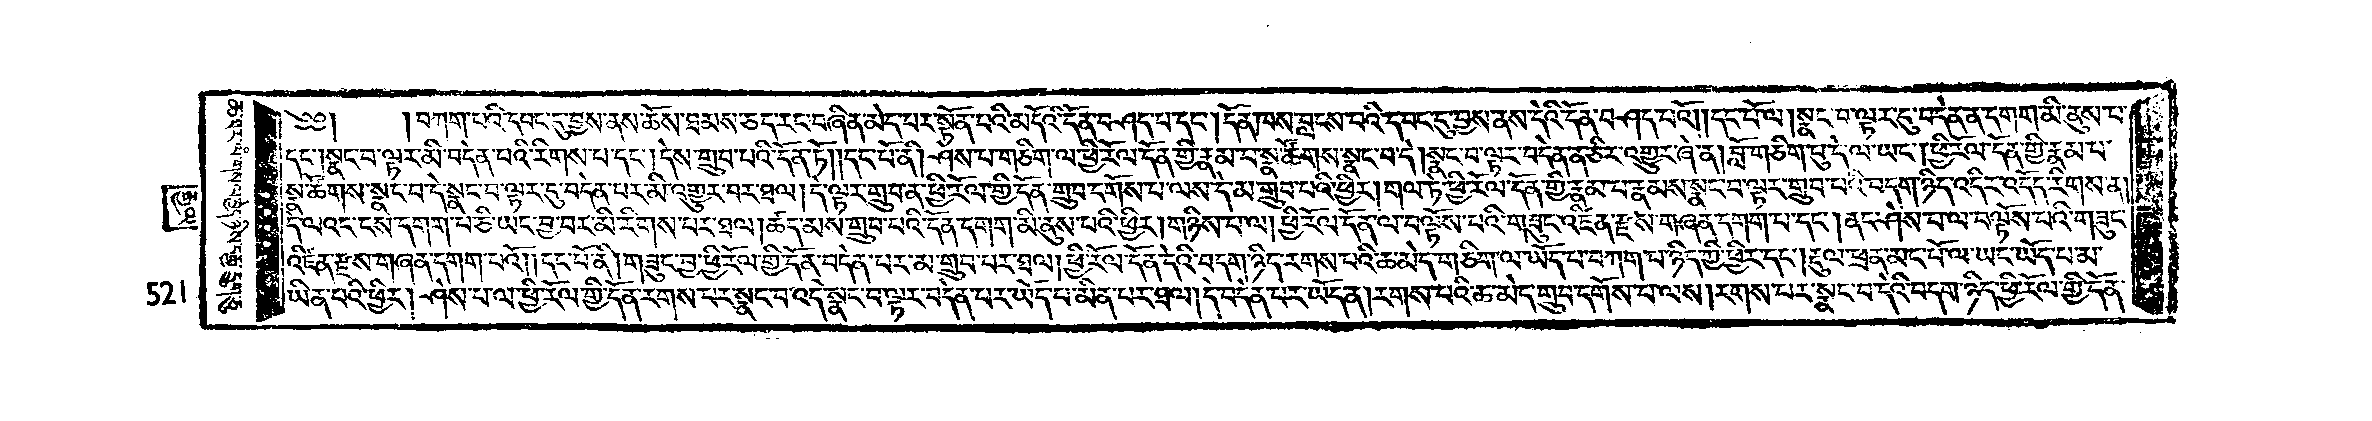༄༅། །བཀག་པའི་དབང་དུ་བྱས་ནས་ཆོས་ཐམས་ཅད་རང་བཞིན་མེད་པར་སྟོན་པའི་མདོའི་དོན་བཤད་པ་དང་། དོན་ཁས་བླངས་པའི་དབང་དུ་བྱས་ནས་དེའི་དོན་བཤད་པའོ། །དང་པོ་ལ། སྣང་བ་ལྟར་དུ་བདེན་ན་དགག་མི་ནུས་པ་
དང་། སྣང་བ་ལྟར་མི་བདེན་པའི་རིགས་པ་དང་། དེས་གྲུབ་པའི་དོན་ཏོ། །དང་པོ་ནི། ཤེས་པ་གཅིག་ལ་ཕྱི་རོལ་དོན་གྱི་རྣམ་པ་སྣ་ཚོགས་སྣང་བ་དེ། སྣང་བ་ལྟར་བདེན་ན་ཅིར་འགྱུར་ཞེ་ན། བློ་གཅིག་པུ་དེ་ལ་ཡང་། ཕྱི་རོལ་དོན་གྱི་རྣམ་པ་
སྣ་ཚོགས་སྣང་བ་དེ་སྣང་བ་ལྟར་དུ་བདེན་པར་མི་འགྱུར་བར་ཐལ། དེ་ལྟར་གྲུབ་ན་ཕྱི་རོལ་གྱི་དོན་གྲུབ་དགོས་པ་ལས་དེ་མ་གྲུབ་པའི་ཕྱིར། གལ་ཏེ་ཕྱི་རོལ་དོན་གྱི་རྣམ་པ་རྣམས་སྣང་བ་ལྟར་གྲུབ་པའི་བདག་ཉིད་འདིར་འདོད་རིགས་ན།
དེ་ལའང་ངས་དགག་པ་ཅི་ཡང་བྱ་བར་མི་རིགས་པར་ཐལ། ཚད་མས་གྲུབ་པའི་དོན་དགག་མི་ནུས་པའི་ཕྱིར། གཉིས་པ་ལ། ཕྱི་རོལ་དོན་ལ་བལྟོས་པའི་གཟུང་འཛིན་རྫས་གཞན་དགག་པ་དང་། ནང་ཤེས་པ་ལ་བལྟོས་པའི་གཟུང་
འཛིན་རྫས་གཞན་དགག་པའོ། །དང་པོ་ནི། གཟུང་བྱ་ཕྱི་རོལ་གྱི་དོན་བདེན་པར་མ་གྲུབ་པར་ཐལ། ཕྱི་རོལ་དོན་དེའི་བདག་ཉིད་རགས་པའི་ཆ་མེད་གཅིག་ལ་ཡོད་པ་བཀག་པ་ཉིད་ཀྱི་ཕྱིར་དང་། རྡུལ་ཕྲན་མང་པོ་ལ་ཡང་ཡོད་པ་མ་
ཡིན་པའི་ཕྱིར། ཤེས་པ་ལ་ཕྱི་རོལ་གྱི་དོན་རགས་པར་སྣང་བ་འདི་སྣང་བ་ལྟར་བདེན་པར་ཡོད་པ་མིན་པར་ཐལ། དེ་བདེན་པར་ཡོད་ན། རགས་པའི་ཆ་མེད་གྲུབ་དགོས་པ་ལས། རིགས་པར་སྣང་བ་དེའི་བདག་ཉིད་ཕྱི་རོལ་གྱི་དོན་